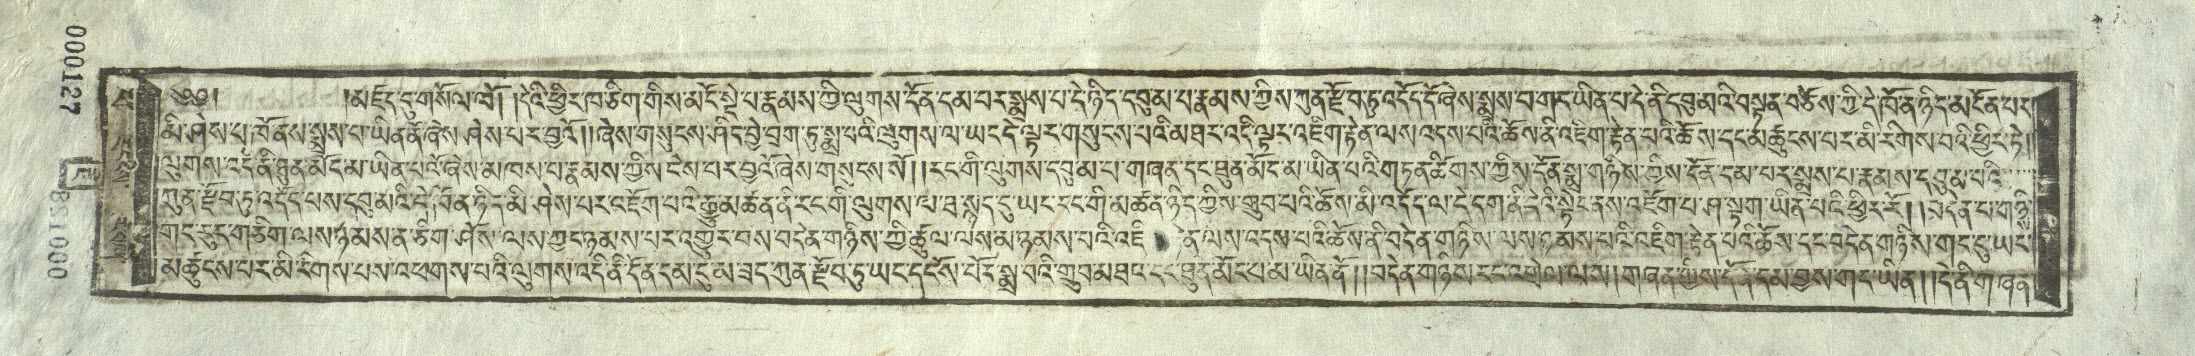༄༅། །མཛད་དུ་གསོལ་ལ། །དེའི་ཕྱིར་ཁ་ཅིག་གིས་མདོ་སྡེ་པ་རྣམས་ཀྱི་ལུགས་དོན་དམ་པར་སྨྲས་པ་དེ་ཉིད་དབུ་མ་པ་རྣམས་ཀྱིས་ཀུན་རྫོབ་ཏུ་འདོད་དོ་ཞེས་སྨྲས་པ་གང་ཡིན་པ་དེ་ནི་དབུ་མའི་བསྟན་བཅོས་ཀྱི་དེ་ཁོ་ན་ཉིད་མངོན་པར་
མི་ཤེས་པ་ཁོ་ནས་སྨྲས་པ་ཡིན་ནོ་ཞེས་ཤེས་པར་བྱའོ། །ཞེས་གསུངས་ཤིང་བྱེ་བྲག་ཏུ་སྨྲ་བའི་ལུགས་ལ་ཡང་དེ་ལྟར་གསུངས་པའི་མཐར་འདི་ལྟར་འཇིག་རྟེན་ལས་འདས་པའི་ཆོས་ནི་འཇིག་རྟེན་པའི་ཆོས་དང་མཚུངས་པར་མི་རིགས་བའི་ཕྱིར་ཏེ།
ལུགས་འདི་ནི་ཐུན་མོང་མ་ཡིན་པའོ་ཞེས་མཁས་པ་རྣམས་ཀྱིས་ངེས་པར་བྱའོ་ཞེས་གསུངས་སོ། །རང་གི་ལུགས་དབུ་མ་པ་གཞན་དང་ཐུན་མོང་མ་ཡིན་པའི་གཏན་ཚིགས་ཀྱིས་དོན་སྨྲ་གཉིས་ཀྱིས་དོན་དམ་པར་སྨྲས་པ་རྣམས་དབུ་མ་པའི་
ཀུན་རྫོབ་ཏུ་འདོད་པས་དབུ་མའི་དེ་ཁོ་ན་ཉིད་མི་ཤས་པར་འཇོག་པའི་རྒྱུ་མཚན་ནི་རང་གི་ལུགས་ལ་ཐ་སྙད་དུ་ཡང་རང་གི་མཚན་ཉིད་ཀྱིས་གྲུབ་པའི་ཆོས་མི་འདོད་ལ་དེ་དག་ནི་དེའི་སྟོང་ནས་འཇོག་པ་ཤ་སྟག་ཡིན་པའི་ཕྱིར་རོ། །བདེན་པ་གཉིས་
གང་རུང་གཅིག་ལས་ཉམས་ན་ཅིག་ཤོས་ལས་ཀྱང་ཉམས་པར་འགྱུར་བས་བདེན་གཉིས་ཀྱི་ཚུལ་ལས་མ་ཉམས་པའི་འཇིག་རྟེན་ལས་འདས་པའི་ཆོས་ནི་བདེན་གཉིས་ལས་ཉམས་པའི་འཇིག་རྟེན་པའི་ཆོས་དང་བདེན་གཉིས་གང་དུ་ཡང་
མཚུངས་པར་མི་རིགས་པས་འཕགས་པའི་ལུགས་འདི་ནི་དོན་དམ་དུ་མ་ཟད་ཀུན་རྫོབ་ཏུ་ཡང་དངོས་པོར་སྨྲ་བའི་གྲུབ་མཐའ་དང་ཐུན་མོངས་མ་ཡིན་ནོ། །བདེན་གཉིས་རང་འགྲེལ་ལས། གཞན་གྱིས་དོན་དམ་བྱས་གང་ཡིན། །དེ་ནི་གཞན་